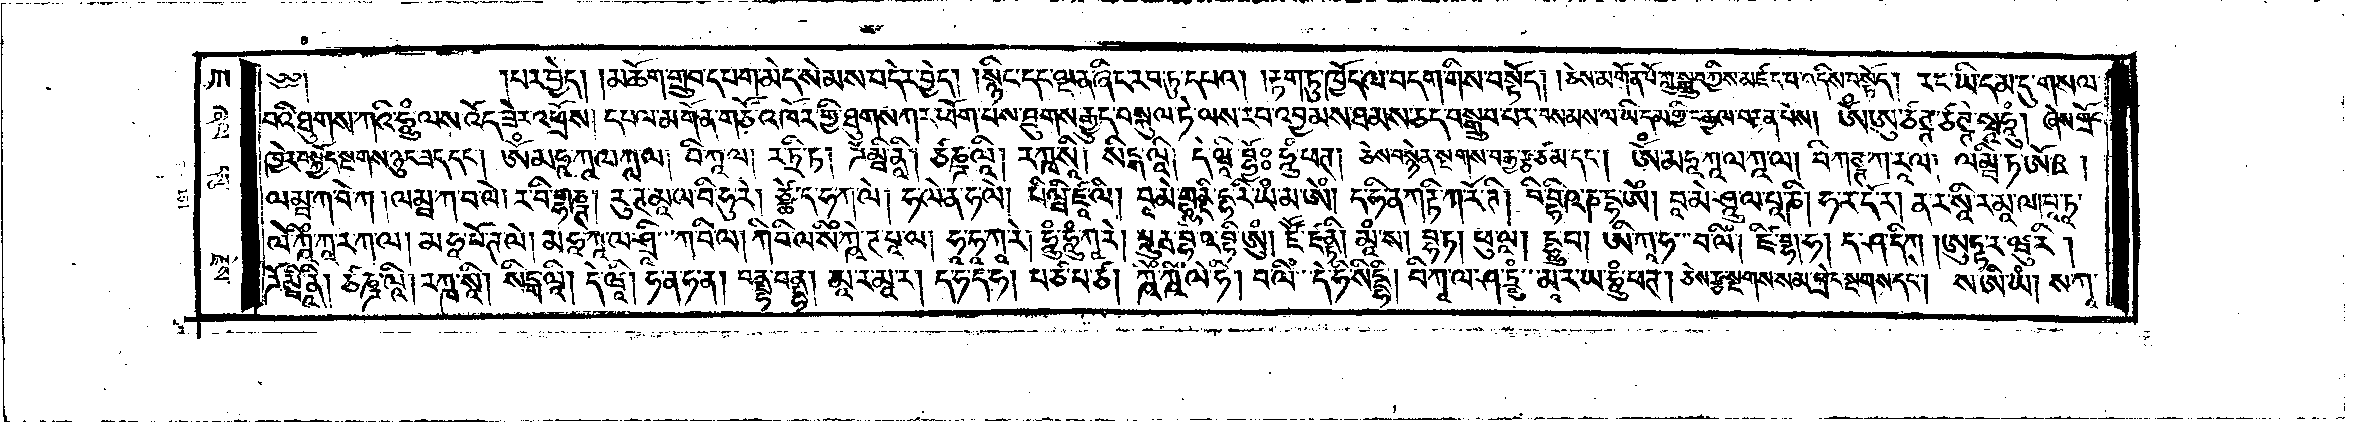༄༅། །པར་བྱེད། །མཆོག་གྲུབ་དཔག་མེད་སེམས་བདེར་བྱེད། །སྙིང་དང་ལྡན་ཞིང་རབ་ཏུ་དཔའ། །རྟག་ཏུ་ཁྱོད་ལ་བདག་གིས་བསྟོད། །ཅེས་མགོན་པོ་ཀླུ་སྒྲུབ་ཀྱིས་མཛད་པ་འདིས་བསྟོད།  རང་ཡི་དམ་དུ་གསལ་
བའི་ཐུགས་ཀའི་ཧཱུཾ་ལས་འོད་ཟེར་འཕྲོས། དཔལ་མགོན་གཙོ་འཁོར་ཀྱི་ཐུགས་ཀར་ཕོག་པས་ཐུགས་རྒྱུད་བསྐུལ་ཏེ་ལས་རབ་འབྱམས་ཐམས་ཅད་བསྒྲུབ་པར་བསམས་ལ་ཡི་དམ་གྱི་ང་རྒྱལ་བརྟན་པོས།  ཨོཾ་ཨུ་ཙཊྚ་ཙཊྚེ་སྭཱ་ཧཱུཾ། ཞེས་གྲོང་
ཁྱེར་བསྐྱོད་སྔགས་ཉུང་ཟད་དང་། ཨོཾ་མཧཱ་ཀཱ་ལ་ཀཱ་ལ། བི་ཀཱ་ལ། ར་ཏྲི་ཏ། ཌོམྦི་ནཱི། ཙནྡྲ་ལཱི། རཀྑ་སཱི། སིངྒ་ལཱི། དེ་ཝཱི་བྷྱོཿཧཱུཾ་ཕཊ། ཅེས་བསྙེན་སྔགས་བརྒྱ་རྩ་ཙམ་དང་།  ཨོཾ་མཧཱ་ཀཱ་ལ་ཀཱ་ལ། བི་ཀཊྚ་ཀ་རཱ་ལ། ལམྦི་ཏ་ཨོ་ཊཿཨ།
ལམྤ་ཀ་བེ་ཀ །ལམྦ་ཀ་བ་ལེ། ར་བི་གྷཎྚ། རུ་ཊ་མཱ་ལ་བི་ཧུ་རེ། ཙྪེ་ད་ཧ་ཀ་ལེ། ཧ་ལེན་ཧ་ལེ། བིམྦི་ཛཱ་ལི། བཱ་མེ་གྷཱུནྡི་དྷ་རི་ཡཾ་མ་ཨེཾ། ད་ཧི་ན་ཀརྟི་ཀ་རོ་ཊྀ། བི་བྷི་ཥཎ་དྷ་ཨེཾ། བཱ་མེ་ཤཱུ་ལ་པཱ་ཎི། ཧ་ར་དེར། ན་ར་སཱི་ར་མཱ་ལ་ཁ྾་ཏཱ་
ལེ་ཀྵིཾ་ཀཱ་ར་ཀ་ལ། མཧཱ་པོ་ཊ་ལེ། མཧཱ་ཀཱ་ལ་ཤྲི་ཀ་བི་ལ། ཀི་བི་ལ་སིཾ་ཀྵེ་ཊ་པཱ་ལ། ཧཱ་ཧཱ་ཀཱ་རེ། ཧཱུཾ་ཧཱུཾ་ཀ་རི། བཱུརྦ་བྷ་ཥ་བྷི་ཨུཾ། ཛཽ་ཛནྟི། མཱ་ས། བྷ་ཏ། ཕུ་ལཱ། དྷཱུ་བ། ཨི་ཀཱ་ཧ་བ་ལི། ཛི་གྷ་ཧ། ད་ཤ་དིཀ །ཨུཏྟ་ར་ཝུ་རི།
ཌོམྦི་ནཱི། ཙཎྜ་ལཱི། རཀྑ་སཱི། སིངྒ་ལཱི། དེ་ཝཱི། ཧ་ན་ཧ་ན། བནྡྷ་བནྡྷ། མཱ་ར་མཱ་ར། ད་ཧ་ད་ཧ། བཅད་ཅ། ཀྵཾ་ཀྵཾ་ལེ་ཧི། བ་ལིཾ་དེ་ཧི་སིདྡྷི། བི་ཀཱ་ལ་ཤ་ཏྲཱ་མཱ་ར་ཡ་ཧཱུཾ་ཕཊ། ཅེས་སུ་སྔགས་སམ་ཕྲེང་སྔགས་དང་།  ས་ཨི་ཡཾ། ས་ཀཱ་